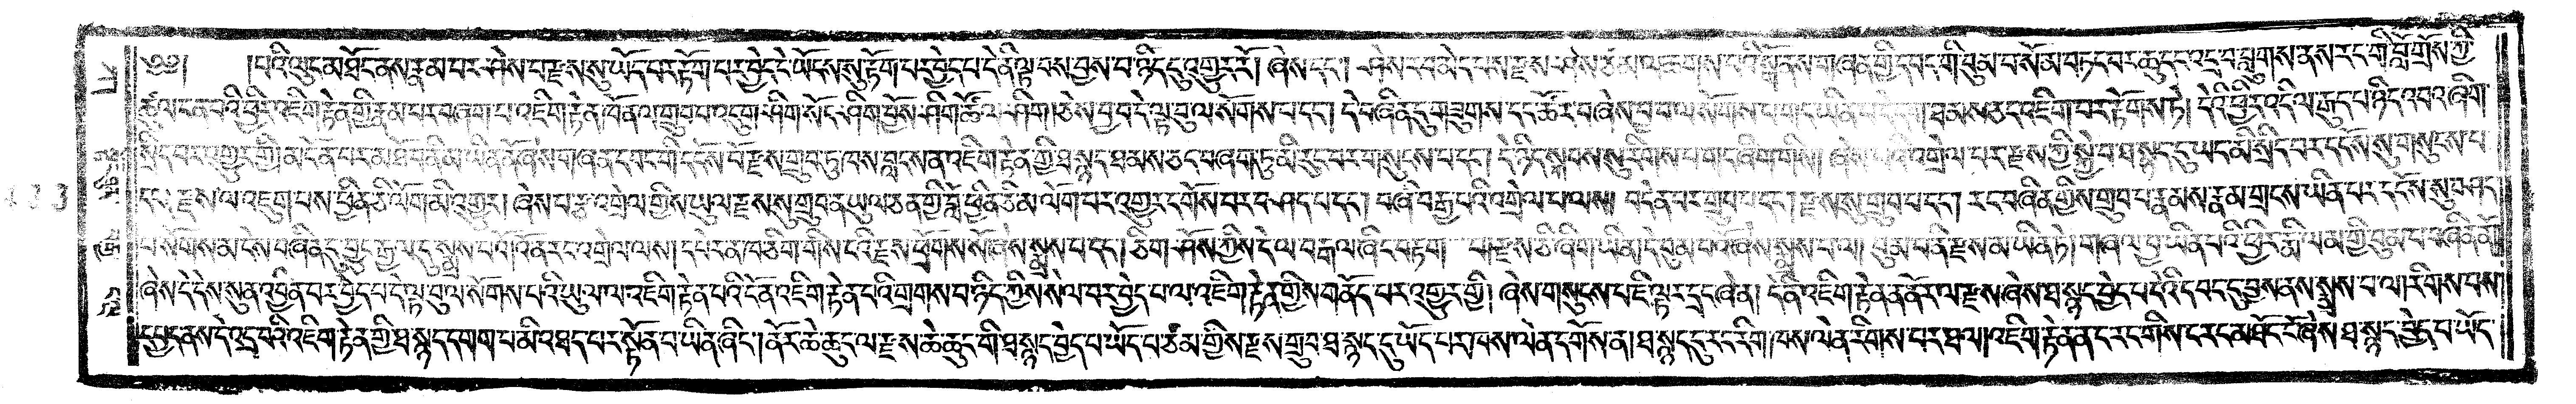༄༅། །པའི་ལུད་མཐོང་ནས་རྣམ་པར་ཤེས་པ་རྫས་སུ་ཡོད་པར་རྟོག་པར་བྱེད་དེ་ཡོངས་སུ་རྟོག་པར་བྱེད་པ་དེ་ནི་ལྟ་བས་བྱས་པ་ཉིད་དུ་འགྱུར་རོ། ཞེས་དང་། ཤེས་རབ་མེད་པས་རྫས་ཤེས་ཙམ་ལ་ཆགས་པའི་སྒོ་ནས་གཞན་གྱི་དབང་གི་བུམ་བ་སོ་མ་བཏང་བར་ཆུ་དང་འདྲ་བ་བླུགས་ནས་རང་གི་བློ་གྲོས་ཀྱི་
ཚུལ་ངན་བའི་ཕྱིར་འཇིག་རྟེན་གྱི་རྣམ་པར་བཞག་པ་འཇིག་རྟེན་ཁོ་ན་ལ་གྲུབ་བ་འདུག་ཤིག་སོང་ཤིག་བྱོས་ཤིག་ཚོལ་ཤིག །ཅེས་བྱ་བ་དེ་ལྟ་བུ་ལ་སོགས་པ་དང་། དེ་བཞིན་དུ་གཟུགས་དང་ཚོར་བ་ཞེས་བྱ་བ་ལ་སོགས་པ་གང་ཡིན་པ་དེ་དག་ཐམས་ཅད་འཇིག་པར་རྟོགས་ཏེ། དེའི་ཕྱིར་འདི་ལ་རྒུད་པ་ཉིད་འབའ་ཞིག་
སྲིད་བར་འགྱུར་གྱི། མངོན་པར་མཐོ་བ་ནི་མ་ཡིན་ནོ་ཞེས་གཞན་དབང་གི་དངོས་པོ་རྫས་གྲུབ་ཏུ་ཁས་བླངས་ན་འཇིག་རྟེན་གྱི་ཐ་སྙད་ཐམས་ཅད་བཞག་ཏུ་མི་རུང་བར་གསུངས་པ་དང་། དེ་ཉིད་སྐབས་སུ་རིགས་པ་གང་ཞིག་གིས། ཞེས་པའི་འགྲེལ་པར་རྫས་ཀྱི་སྐྱེ་བ་ཐ་སྙད་དུ་ཡང་མི་སྲིད་བར་དངོས་སུ་གསུངས་པ་
དང༑ རྫས་ལ་འཇུག་པས་ཕྱིན་ཅི་ལོག་མི་འགྱུར། ཞེས་པ་རྩ་འགྲེལ་གྱིས་ཡུལ་རྫས་སུ་གྲུབ་ན་ཡུལ་ཅན་གྱི་བློ་ཕྱིན་ཅི་མ་ལོག་བར་འགྱུར་དགོས་བར་བཤད་པ་དང་། བཞི་བརྒྱ་པའི་འགྲེལ་པ་ལས། བདེན་པར་གྲུབ་པ་དང་། རྫས་སུ་གྲུབ་པ་དང་། རང་བཞིན་གྱིས་གྲུབ་པ་རྣམས་རྣམ་གྲངས་ཡིན་པར་དངོས་སུ་བཤད་
པ་སོགས་མ་ངེས་བཞིན་དུ་བྱུང་རྒྱལ་དུ་སྨྲས་པའོ། འོ་ན་རང་འགྲེལ་ལས། དཔེར་ན་ཁ་ཅིག་གིས་ངའི་རྫས་ཕྲོགས་སོ་ཞེས་སྨྲས་བ་དང་། ཅིག་ཤོས་ཀྱིས་དེ་ལ་བརྒལ་ཞིང་བརྟག་པ། རྫས་ཅི་ཞིག་ཡིན། དེ་བུམ་པའོ་ཞེས་སྨྲས་པ་ལ། བུམ་པ་ནི་རྫས་མ་ཡིན་ཏེ། གཞལ་བྱ་ཡིན་པའི་ཕྱིར་རྨི་ལམ་གྱི་བུམ་པ་བཞིན་ནོ།
ཞེས་དེ་དེས་སུན་འབྱིན་པར་བྱེད་པ་དེ་ལྟ་བུ་ལ་སོགས་པའི་ཡུལ་ལ་འཇིག་རྟེན་པའི་དོན་འཇིག་རྟེན་པའི་གྲགས་བ་ཉིད་ཀྱིས་སེལ་བར་བྱེད་པ་ལ་འཇིག་རྟེན་གྱིས་གནོད་པར་འགྱུར་གྱི། ཞེས་གསུངས་པ་ཇི་ལྟར་དྲང་ཞེ་ན། དེ་ནི་འཇིག་རྟེན་ན་ནོར་ལ་རྫས་ཞེས་ཐ་སྙད་བྱེད་པ་དེའི་དབང་དུ་བྱས་ནས་སྨྲས་བ་ལ། རིགས་པས་
དཔྱད་ནས་དེ་འདྲ་བའི་འཇིག་རྟེན་གྱི་ཐ་སྙད་དགག་པ་མི་འཐད་པར་སྟོན་པ་ཡིན་ཞིང་། ནོར་ཆེ་ཆུང་ལ་རྫས་ཆེ་ཆུང་གི་ཐ་སྙད་བྱེད་པ་ཡོད་བ་ཙམ་གྱིས་རྫས་གྲུབ་ཐ་སྙད་དུ་ཡོད་པར་ཁས་ལེན་དགོས་ན། ཐ་སྙད་དུ་རང་རིག་ཁས་ལེན་རིགས་པར་ཐལ། འཇིག་རྟེན་ནང་རང་གིས་ང་རང་མཐོང་ངོ་ཞེས་ཐ་སྙད་བྱེད་པ་ཡོད་